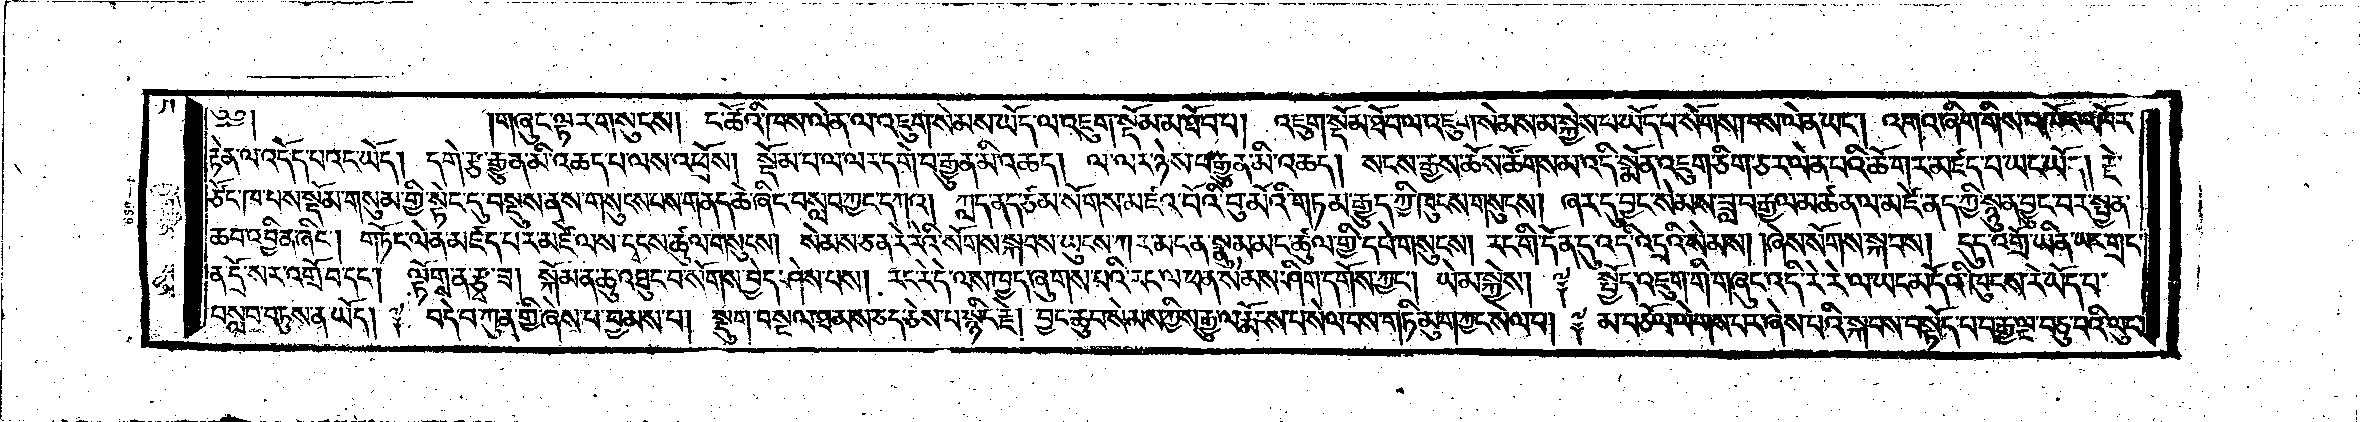༄༅། །གཞུང་ལྟར་གསུངས། ང་ཚོའི་ཁས་ལེན་ལ་འཇུག་སེམས་ཡོད་ལ་འཇུག་སྡོམ་མ་ཐོབ་པ། འཇུག་སྡོམ་ཐོབ་ལ་འཇུག་སེམས་མ་སྐྱེས་པ་ཡོད་པ་སོགས་ཁས་ལེན་ཡང་། འགའ་ཞིག་གིས་འཁོར་འཁོར་
རྟེན་ལ་འདོད་པའང་ཡོད། དགེ་རྩ་རྒྱུན་མི་འཆད་པ་ལས་འཕྲོས། སྡོམ་པ་ལ་ལར་དགེ་བ་རྒྱུན་མི་འཆད། ལ་ལར་ཉེས་པ་རྒྱུན་མི་འཆད། སངས་རྒྱས་ཆོས་ཚོགས་མ་འདི་སྨོན་འཇུག་ཅིག་ཅར་ལེན་པའི་ཆོ་གར་མཛད་པ་ཡང་ཡོད། རྗེ་
ཙོང་ཁ་པས་སྡོམ་གསུམ་གྱི་སྟེང་དུ་བསྡུས་ནས་གསུངས་པས་གནད་ཆེ་ཞིང་བསླབ་ཀྱང་དཀའ། ཀླད་ནད་ཙམ་སོགས་མཛའ་བོའི་བུ་མོའི་གཏམ་རྒྱུད་ཀྱི་ཁུངས་གསུངས། ཞར་དུ་བྱང་སེམས་ཟླ་བ་རྒྱལ་མཚན་ལ་མཛེ་ནད་ཀྱི་སྙུན་བྱུང་བར་སྤྱན་
ཆབ་འབྱིན་ཞིང་། གཏོང་ལེན་མཛད་པར་མཛེ་ལས་དྭངས་ཚུལ་གསུངས། སེམས་ཅན་རེ་རེའི་སོགས་སྐབས་ཡུངས་ཀར་མང་ན་སྣུམ་མང་ཚུལ་གྱི་དཔེ་གསུངས། རང་གི་དོན་དུ་འདི་འདྲའི་སེམས། །ཞེས་སོགས་སྐབས། དུད་འགྲོ་ཡིན་ཡང་གྲང་
ན་དྲོ་སར་འགྲོ་བ་དང་། ལྟོགས་ན་རྩྭ་ཟ། སྐོམ་ན་ཆུ་འཐུང་བ་སོགས་བྱེད་ཤེས་པས། རང་རེ་དེ་ལས་ཁྱད་ཞུགས་པའི་རང་ལ་ཕན་སེམས་ཤིག་དགོས་ཀྱང་། ཡེ་མ་སྐྱེས། ༈ སྤྱོད་འཇུག་གི་གཞུང་འདི་རེ་རེ་ལ་ཡང་མདོའི་ཁུངས་རེ་ཡོད་པ་
བསླབ་བཏུས་ན་ཡོད། ༈ བདེ་བ་ཀུན་གྱི་ཞེས་པ་བྱམས་པ། སྡུག་བསྔལ་ཐམས་ཅད་ཅེས་པ་སྙིང་རྗེ། བྱང་ཆུབ་སེམས་ཀྱིས་རྒྱུ་ལ་རྨོངས་པ་སེལ་བས་གཏི་མུག་ཀྱང་སེལ་བ། ༈ མ་བཅོལ་ལེགས་པར་ཞེས་པའི་སྐབས་བསྟོད་པ་བརྒྱ་ལྔ་བཅུ་བའི་ལུང་